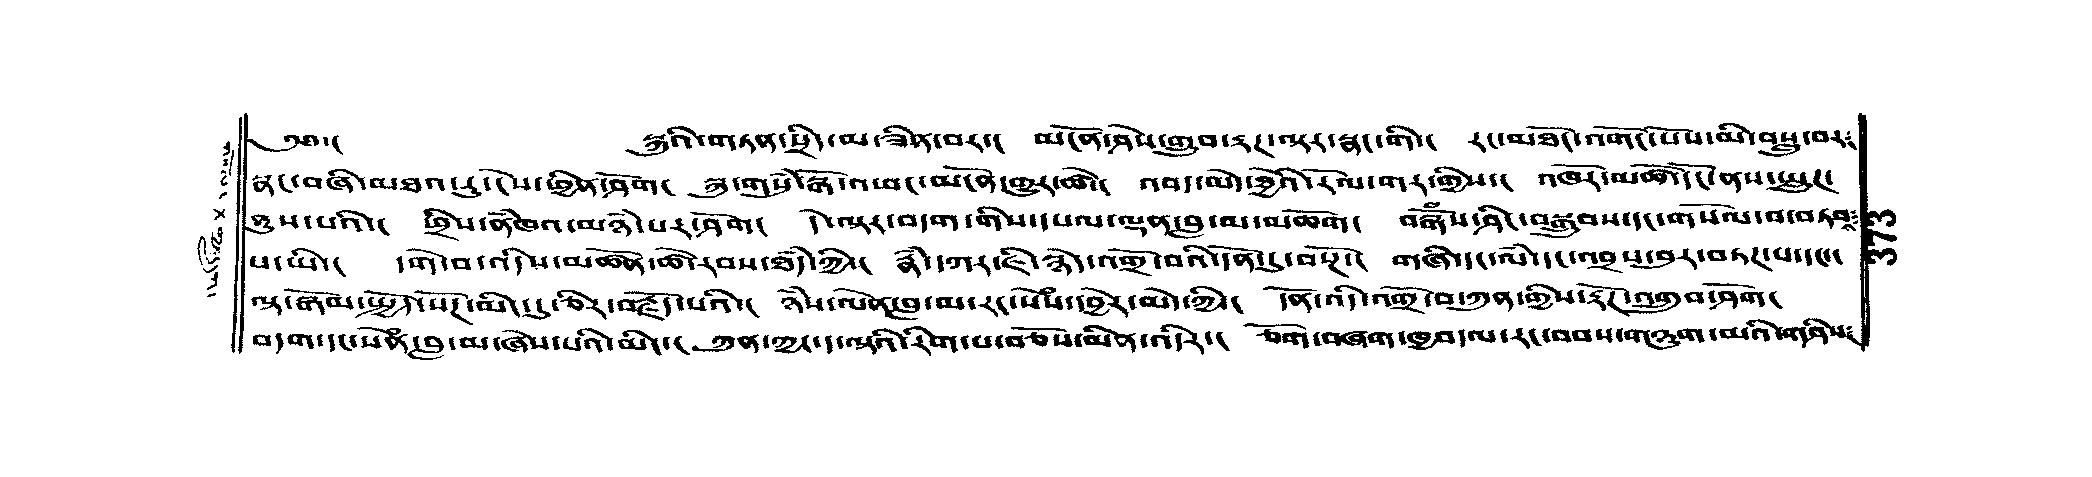སྐུའི་གཏན་སྲིད་མ་ཟིན་བར། །མངོན་ཤེས་གྲུབ་རྟགས་ལྟར་སྣང་གི །རང་མཐོང་འགོང་པོས་མི་བསླུ་བར། །
སྣང་བཞི་མཐའ་རུ་ངེས་ཕྱིན་ཤོག །སྐུ་གསུམ་སྒོ་འཕང་མངོན་གྱུར་ཚེ། །འབད་མེད་ཐུགས་རྗེའི་རོལ་གར་གྱིས། །འཁོར་མཚོ་དོང་ནས་སྤྲུགས་
ནུས་པའི། །ཕྲིན་ལས་ནམ་མཁའ་མཉམ་པར་ཤོག །དེ་ལྟར་བདག་གིས་དཔལ་ལྡན་བླ་མ་མཆོག །བསྒོམས་ཤིང་བསྒྲུབས་དང་གསོལ་བ་བཏབ་
པ་ཡིས། །དགེ་བ་འདིས་མཚོན་ཚེ་རབས་ཐམས་ཅད་ཀྱི། །རྣམ་དཀར་ཇི་སྙེད་འགྲོ་བའི་དོན་དུ་བསྔོ། །གཞི་དང་ལམ་དང་འབྲས་བུར་བཏགས་པ་དང་། །
ལྟ་སྒོམ་སྤྱོད་སོགས་མིང་དུ་ཅིར་བརྗོད་པའི། །ཉམས་ལེན་བླ་མར་རང་སེམས་དབྱེར་མེད་ཀྱི། །དོན་འདི་འགྲོ་བ་ཀུན་གྱིས་རྟོགས་འགྲུབ་ཤོག །
བདག་དང་སེམས་ཅན་བླ་མ་ཞེས་པའི་མིང་། །ཀུན་ཀྱང་ད་ལྟའི་རིག་པ་བཅོས་མིན་འདིར། །ཅོག་བཞག་ཁྱབ་བརྡལ་རང་བབས་གཉུག་མའི་གཤིས།